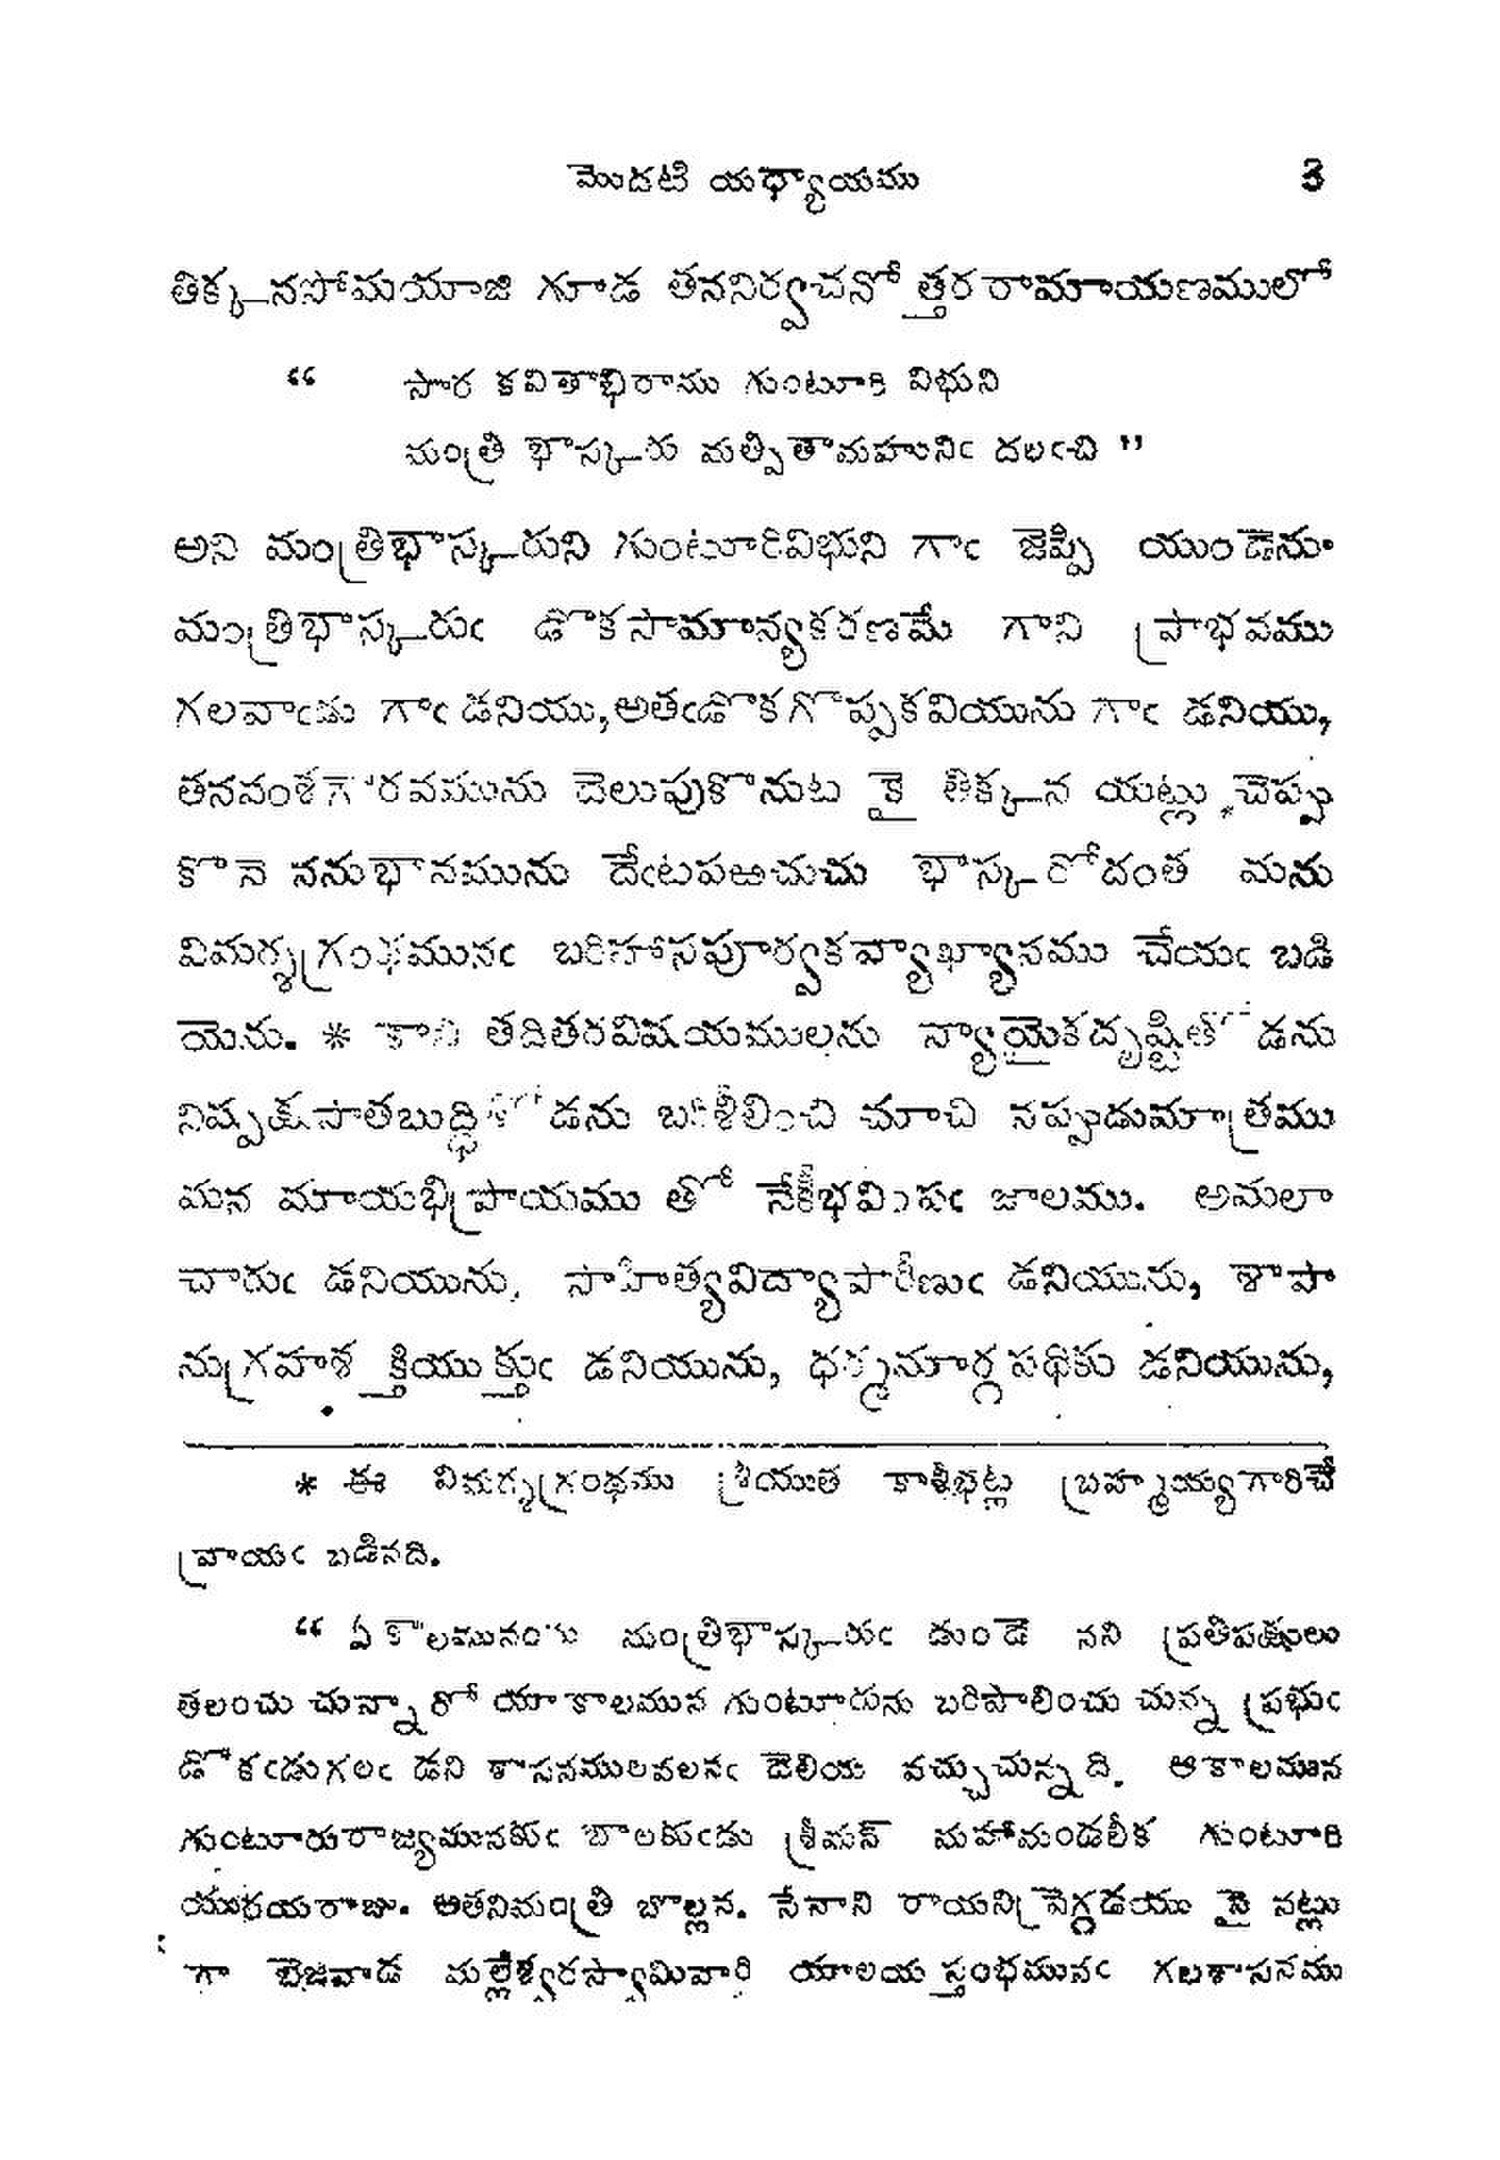తిక్కనసోమయాజి గూడ తననిర్వచనోత్తర రామాయణములో

"సార కవితాభిరాము గుంటూరి విభుని
 మంత్రి భాస్కరు మత్పితామహునిఁ దలఁచి"
అని మంత్రిభాస్కరుని గుంటూరివిభుని గాఁ జెప్పి యుండెను. మంత్రిభాస్కరుఁ డొకసామాన్యకరణమే గాని ప్రాభవము గలవాఁడు గాఁడనియు, అతఁడొకగొప్పకవియును గాఁ డనియు, తనవంశగౌరవమును దెలుపుకొనుట కై తిక్కన యట్లు చెప్పుకొనె ననుభావమును దేఁటపఱచుచు భాస్కరోదంత మను విమర్శగ్రంథమునఁ బరిహాసపూర్వకవ్యాఖ్యానము చేయఁ బడియెను. కాని తదితరవిషయములను న్యాయైకదృష్టితోడను నిష్పక్షపాతబుద్ధితోడను బరిశీలించి చూచి నప్పుడుమాత్రము మన మాయభిప్రాయముతో నేకీభవింపఁ జాలము. అమలాచారుఁ డనియును, సాహిత్యవిద్యాపారీణుఁ డనియును, శాపానుగ్రహాశక్తియుక్తుఁ డనియును, ధర్మమార్గపథికు డనియును,